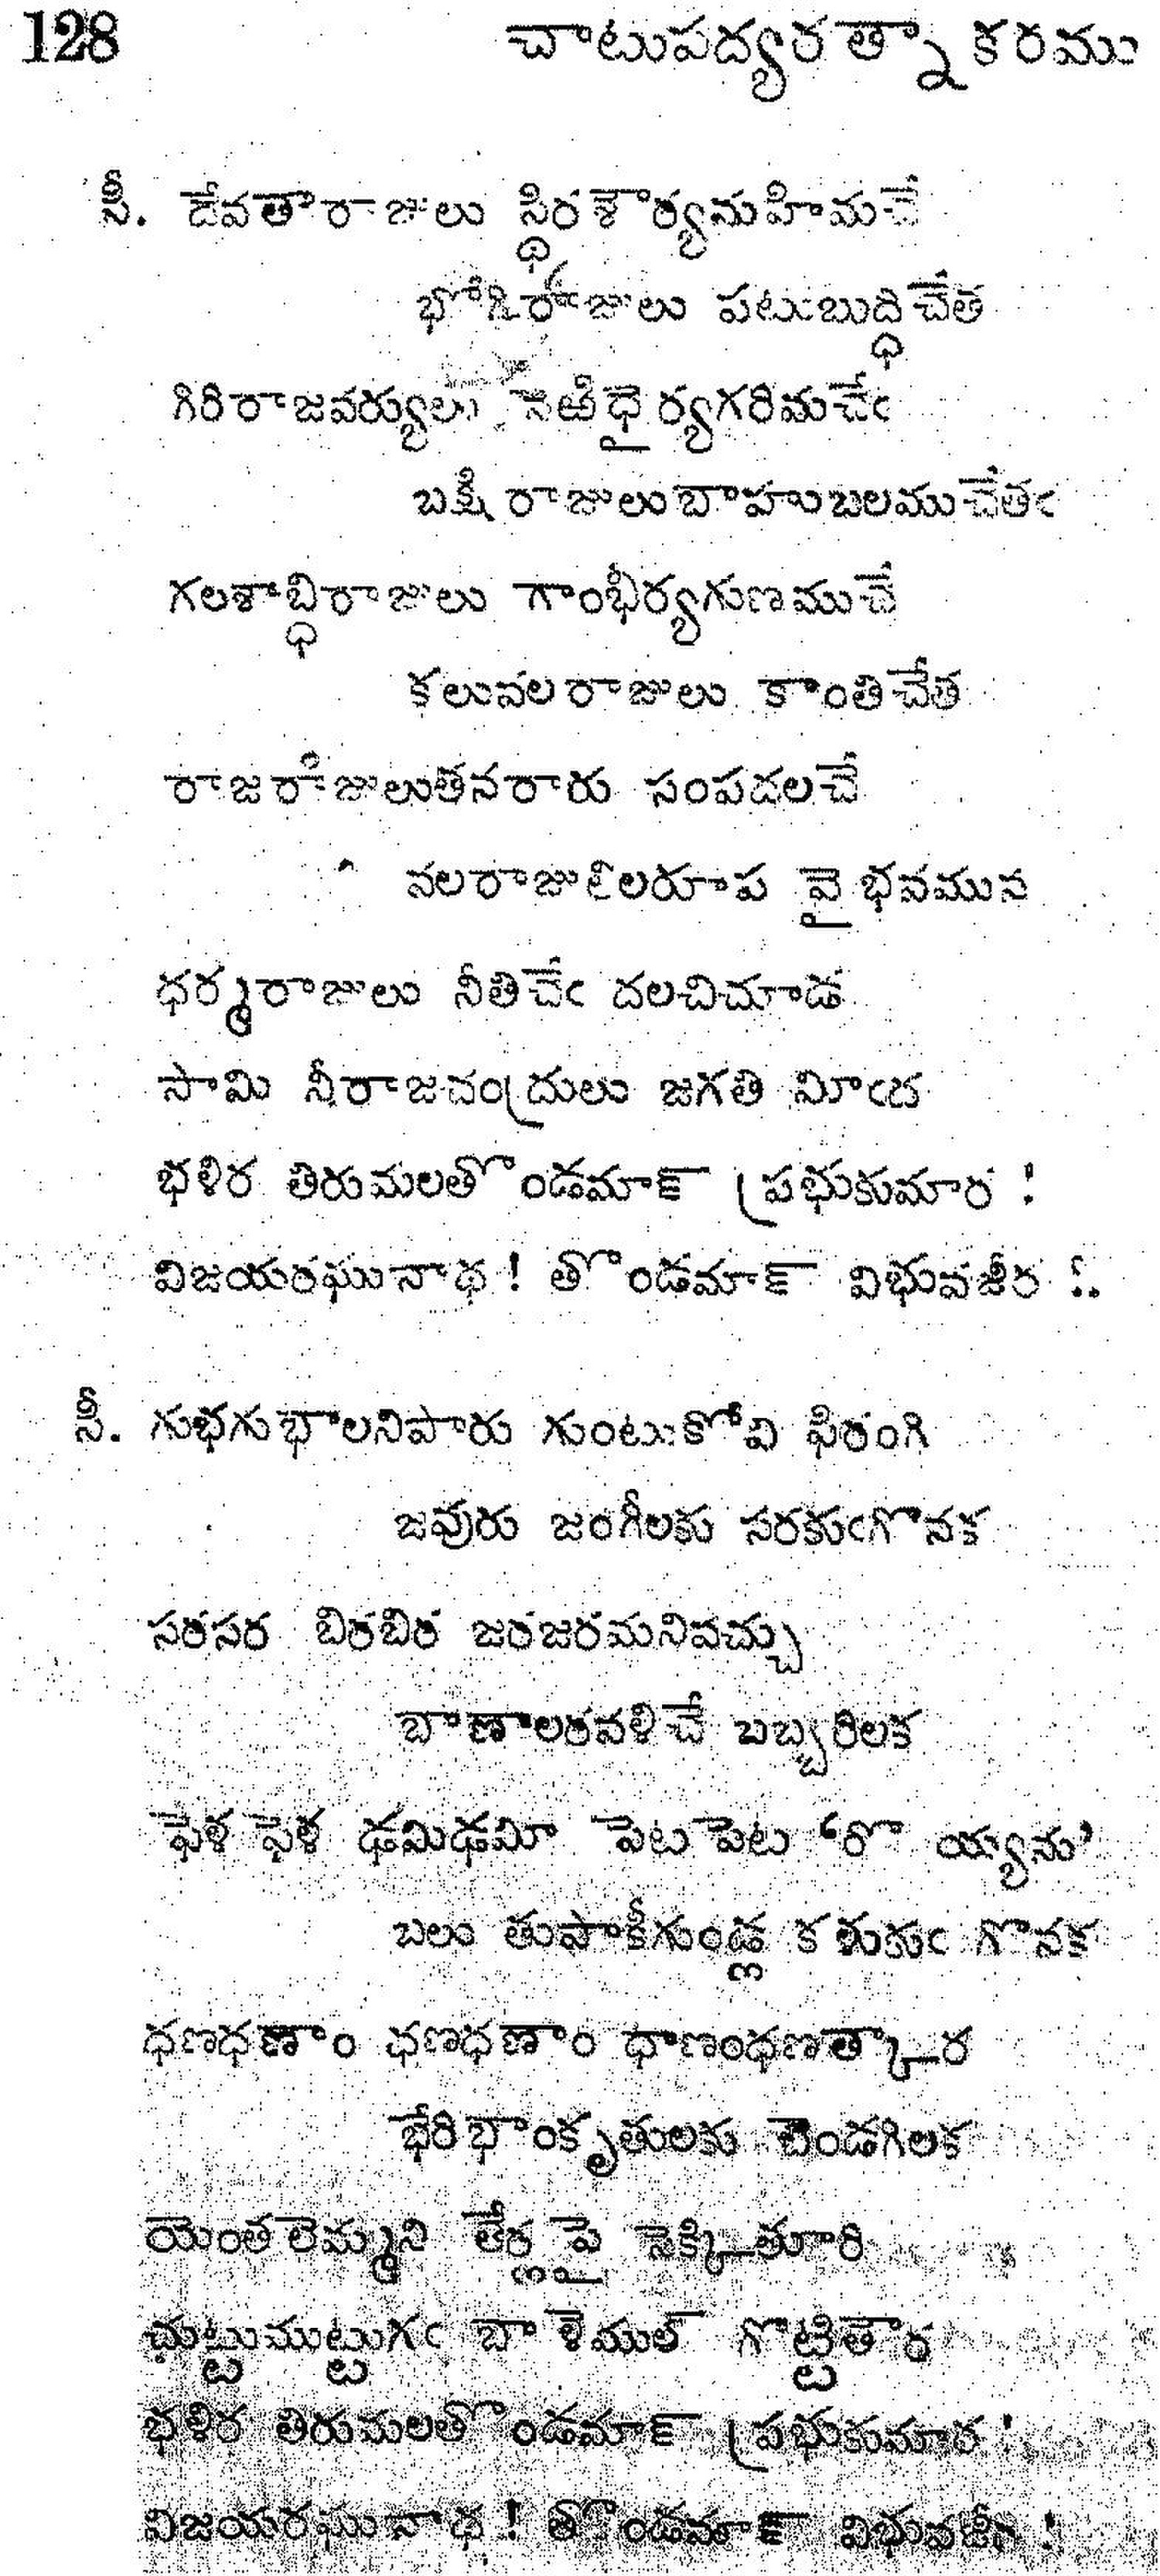సీ. దేవతారాజులు స్థిరశౌర్యమహిమచే
 భోగిరాజులు పటుబుద్ధిచేత
 గిరిరాజవర్యులు నెఱిధైర్యగరిమచేఁ
 బక్షిరాజులు బాహుబలముచేతఁ
 గలశాబ్ధిరాజులు గాంభీర్యగుణముచే
 కలువలరాజులు కాంతిచేత
 రాజరాజులు తనరారు సంపదలచే
 వలరాజు లిలరూపవైభవమున
 ధర్మరాజులు నీతిచేఁ దలచిచూడ
 సామి నీరాజచంద్రులు జగతిమీఁద
 భళిర తిరుమలతొండమాన్ ప్రభుకుమార!
 విజయరఘునాథ! తొండమాన్ విభువజీర.

సీ. గుభగుభాలని పారు గుంటుకోవి ఫిరంగి
 జవురు జంగీలకు సరకుఁ గొనక
 సరసర బిరబిర జరజరమని వచ్చు
 బాణాలరవళిచే బబ్బరిలక
 ఫెళఫెళ ఢమిఢమీ పెటపెట ‘రొ య్యను’
 బలు తుపాకీగుండ్ల కళుకుఁ గొనక
 ధణధణాం ధణధణాం ధాణంధణత్కార
 భేరిభాంకృతులకు బెండగిలక
 యెంతలెమ్మని తేర్లపై నెక్కితూరి
 చుట్టుముట్టుగఁ బాళెముల్ గొట్టితౌర
 భళిర తిరుమలతొండమాన్ ప్రభుకుమార!
 విజయరఘునాథ! తొండమాన్ విభువజీర.